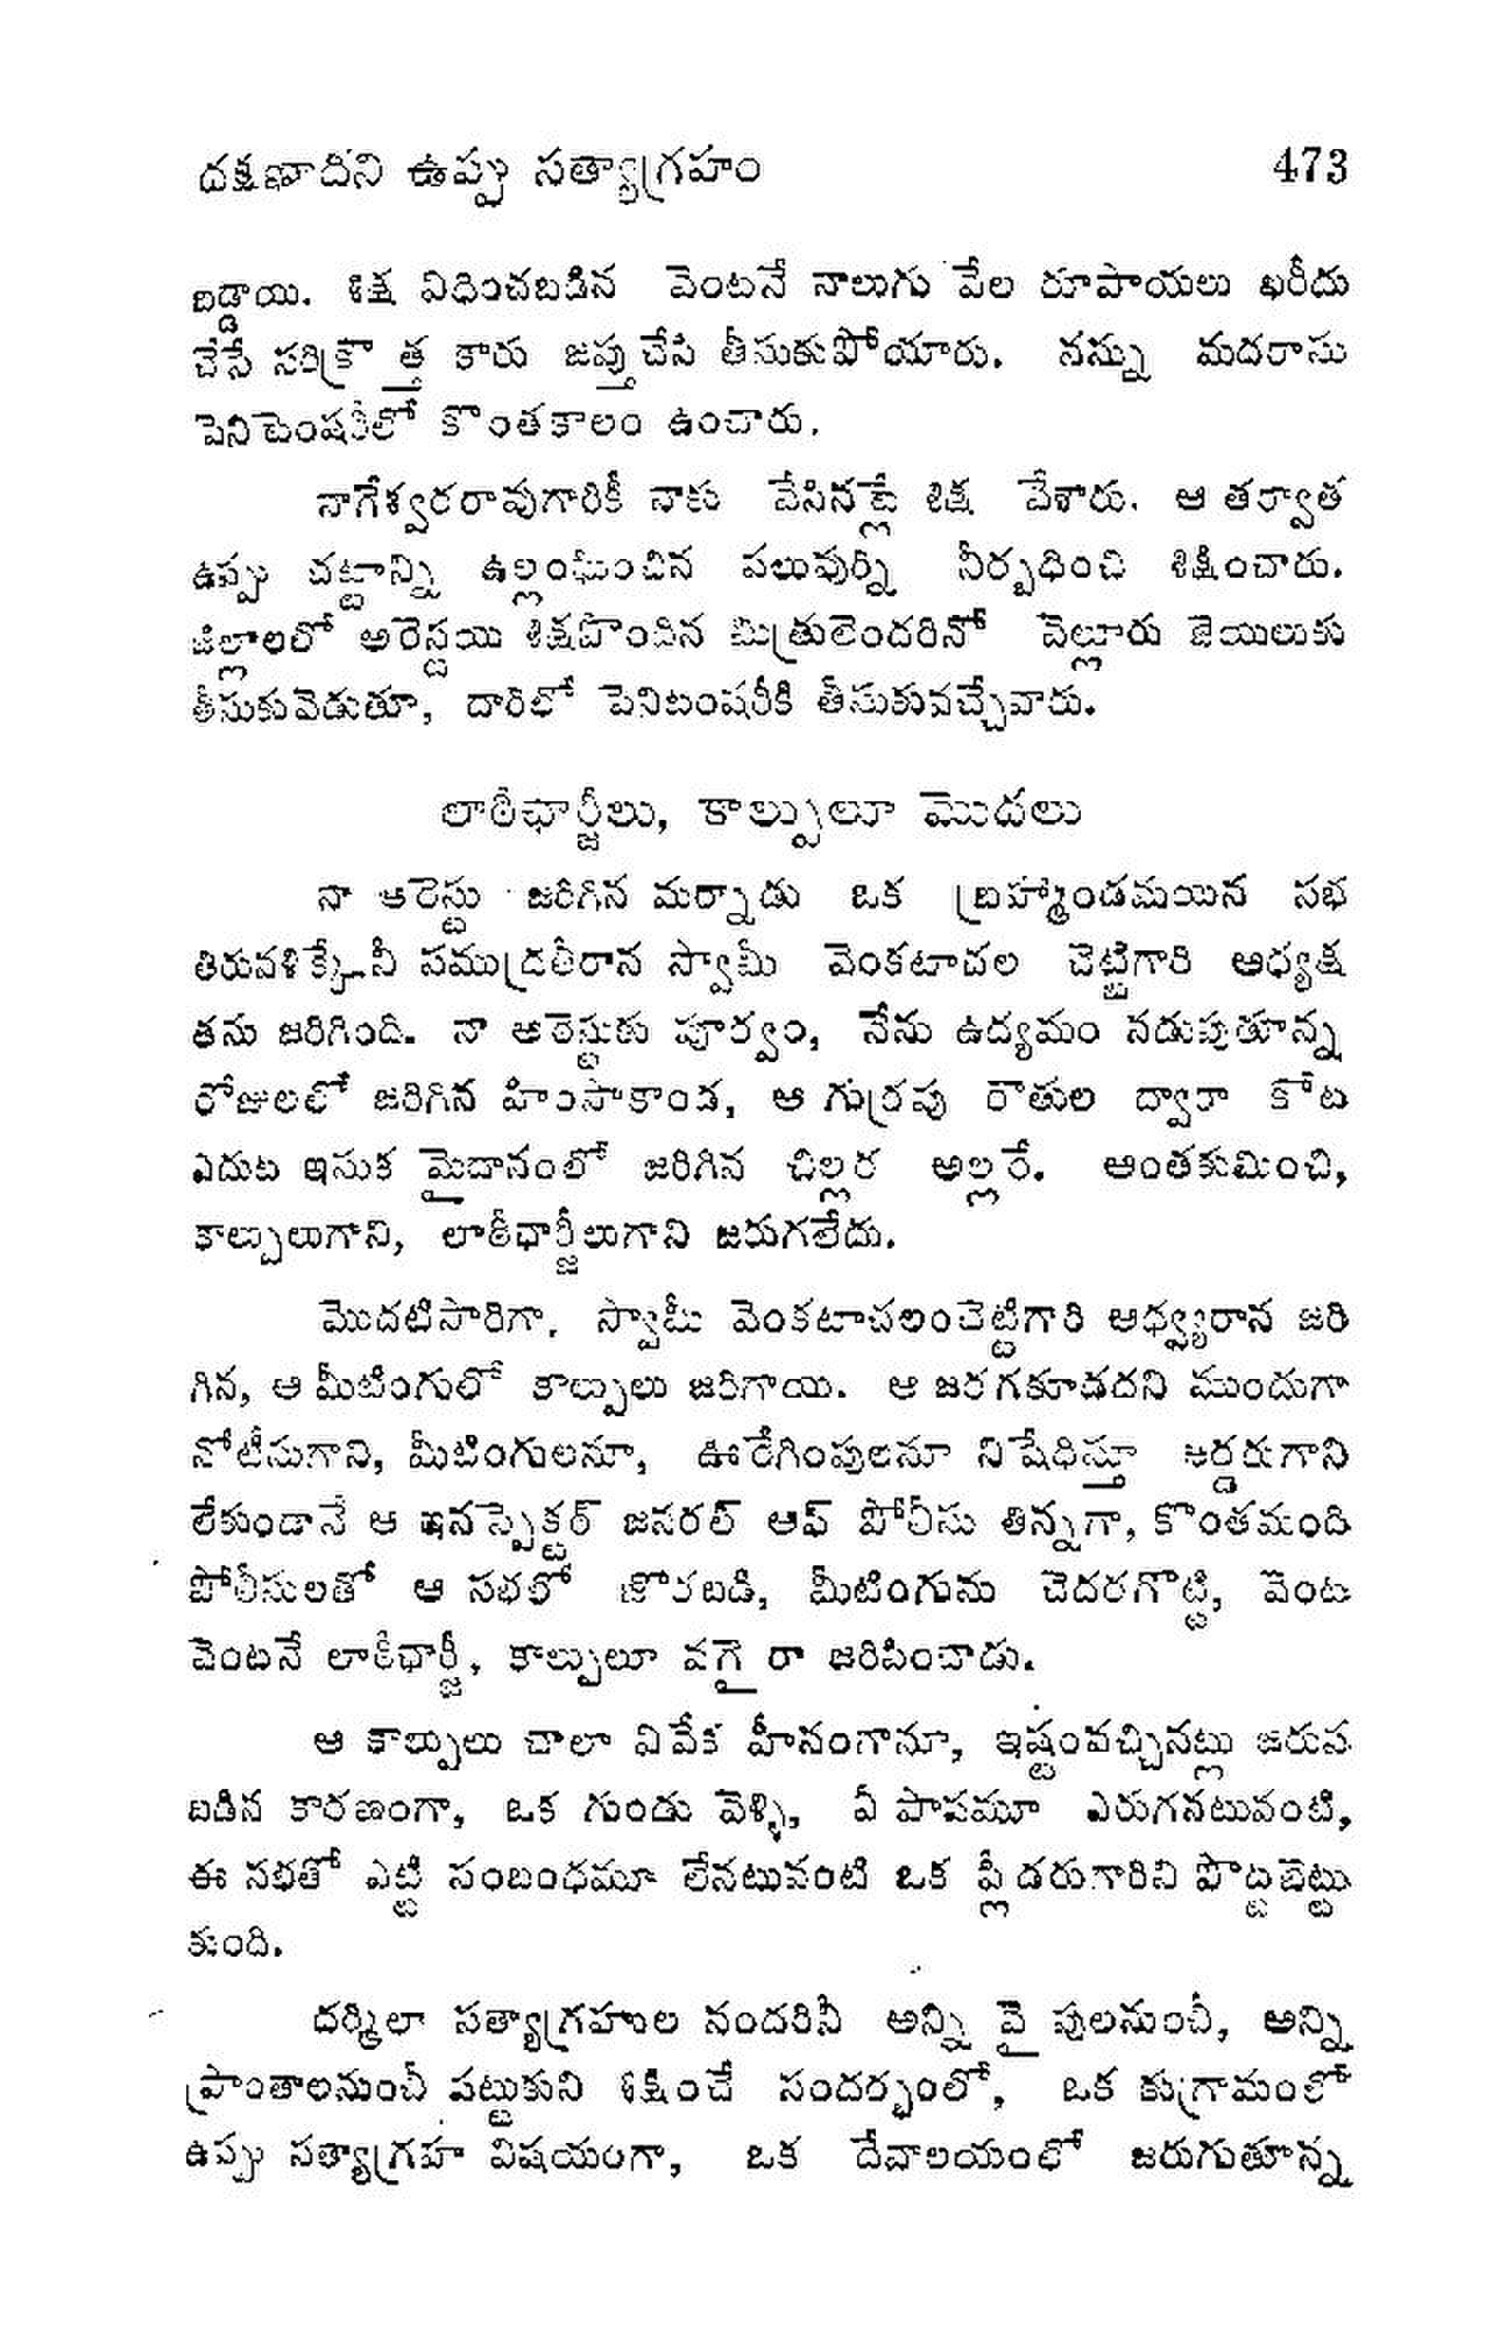బడ్డాయి. శిక్ష విధించబడిన వెంటనే నాలుగు వేల రూపాయలు ఖరీదు చేసే సరిక్రొత్త కారు జప్తుచేసి తీసుకుపోయారు. నన్ను మదరాసు పెనిటెంషరీలో కొంతకాలం ఉంచారు.

నాగేశ్వరరావుగారికీ నాకు వేసినట్లే శిక్ష వేశారు. ఆ తర్వాత ఉప్పు చట్టాన్ని ఉల్లంఘించిన పలువుర్ని నిర్భధించి శిక్షించారు. జిల్లాలలో అరెస్టయి శిక్షపొందిన మిత్రులెందరినో వెల్లూరు జెయిలుకు తీసుకువెడుతూ, దారిలో పెనిటెంషరీకి తీసుకువచ్చేవారు.
 
నా అరెస్టు జరిగిన మర్నాడు ఒక బ్రహ్మాండమయిన సభ తిరువళిక్కేనీ సముద్రతీరాన స్వామీ వెంకటాచల చెట్టిగారి అధ్యక్షతను జరిగింది. నా అరెస్టుకు పూర్వం, నేను ఉద్యమం నడుపుతూన్న రోజులలో జరిగిన హింసాకాండ, ఆ గుర్రపు రౌతుల ద్వారా కోట ఎదుట ఇసుక మైదానంలో జరిగిన చిల్లర అల్లరే. అంతకుమించి, కాల్పులుగాని, లాఠీచార్జీలుగాని జరుగలేదు.

మొదటిసారిగా, స్వామీ వెంకటాచలంచెట్టిగారి ఆధ్వ్యరాన జరిగిన, ఆ మీటింగులో కాల్పులు జరిగాయి. ఆ జరగకూడదని ముందుగా నోటీసుగాని, మీటింగులనూ, ఊరేగింపులనూ నిషేధిస్తూ ఆర్డరుగాని లేకుండానే ఆ ఇనస్పెక్టర్ జనరల్ ఆఫ్ పోలీసు తిన్నగా, కొంతమంది పోలీసులతో ఆ సభలో జొరబడి, మీటింగును చెదరగొట్టి, వెంట వెంటనే లాఠీఛార్జీ, కాల్పులూ వగైరా జరిపించాడు.

ఆ కాల్పులు చాలా వివేక హీనంగానూ, ఇష్టంవచ్చినట్లు జరుపబడిన కారణంగా, ఒక గుండు వెళ్ళి, ఏ పాపమూ ఎరుగనటువంటి, ఈ సభతో ఎట్టి సంబంధమూ లేనటువంటి ఒక ప్లీడరుగారిని పొట్టబెట్టుకుంది.

దర్మిలా సత్యగ్రహుల నందరినీ అన్ని వైపులనుంచీ, అన్ని ప్రాంతాలనుంచీ పట్టుకుని శిక్షించే సందర్భంలో, ఒక కుగ్రామంలో ఉప్పు సత్యాగ్రహ విషయంగా, ఒక దేవాలయంలో జరుగుతూన్న